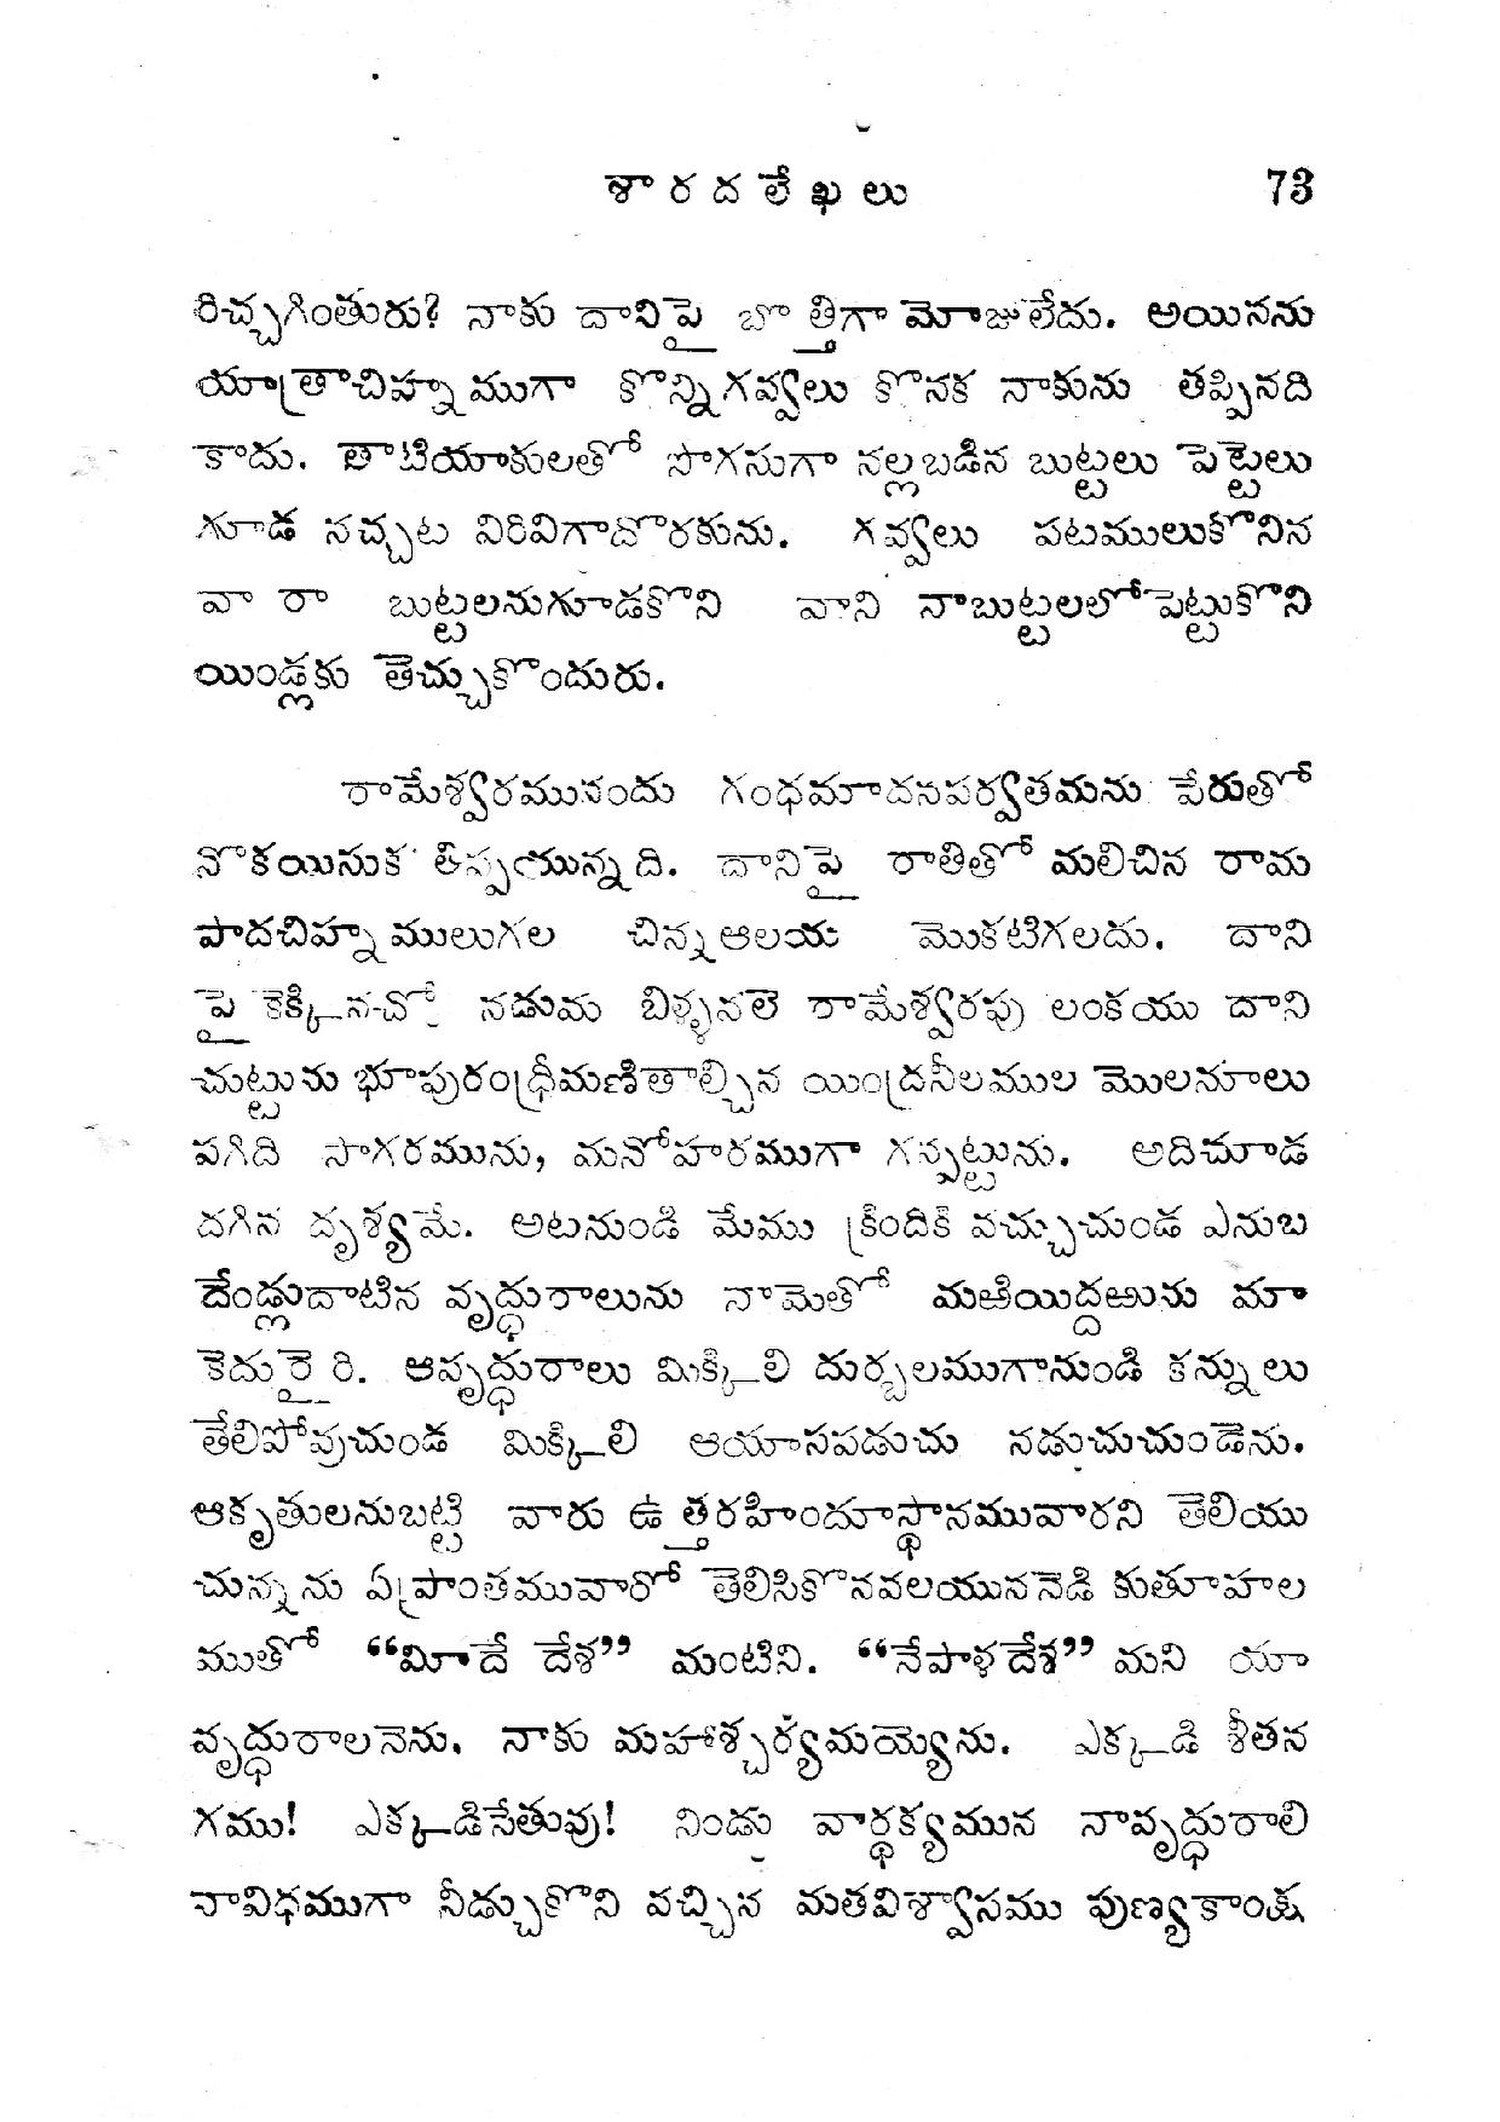రిచ్చగింతురు? నాకు దానిపై బొత్తిగా మోజులేదు. అయినను యాత్రాచిహ్నముగా కొన్నిగవ్వలు కొనక నాకును తప్పినదికాదు. తాటియాకులతో సొగసుగా నల్లబడిన బుట్టలు పెట్టెలు గూడ నచ్చట విరివిగాదొరకును. గవ్వలు పటములుకొనిన వా రా బుట్టలనుగూడకొని వాని నాబుట్టలలో పెట్టుకొని యిండ్లకు తెచ్చుకొందురు.

రామేశ్వరమునందు గంధమాదనపర్వతమను పేరుతో నొకయిసుక తిప్పయున్నది. దానిపై రాతితో మలిచిన రామపాదచిహ్నములుగల చిన్నఆలయ మొకటిగలదు. దానిపై కెక్కినచో నడుమ బిళ్ళవలె రామేశ్వరపు లంకయు దాని చుట్టును భూపురంధ్రీమణితాల్చిన యింద్రనీలముల మొలనూలు పగిది సాగరమును, మనోహరముగా గన్పట్టును. అదిచూడదగిన దృశ్యమే. అటనుండి మేము క్రిందికి వచ్చుచుండ ఎనుబదేండ్లుదాటిన వృద్ధురాలును నామెతో మఱియిద్దఱును మా కెదురైరి. ఆవృద్ధురాలు మిక్కిలి దుర్బలముగానుండి కన్నులు తేలిపోవుచుండ మిక్కిలి ఆయాసపడుచు నడుచుచుండెను. ఆకృతులనుబట్టి వారు ఉత్తరహిందూస్థానమువారని తెలియుచున్నను ఏప్రాంతమువారో తెలిసికొనవలయుననెడి కుతూహలముతో "మీదే దేశ” మంటిని. "నేపాళదేశ" మని యా వృద్ధురాలనెను. నాకు మహాశ్చర్యమయ్యెను. ఎక్కడి శీతనగము! ఎక్కడిసేతువు! నిండు వార్ధక్యమున నావృద్ధురాలి నావిధముగా నీడ్చుకొని వచ్చిన మతవిశ్వాసము పుణ్యకాంక్ష